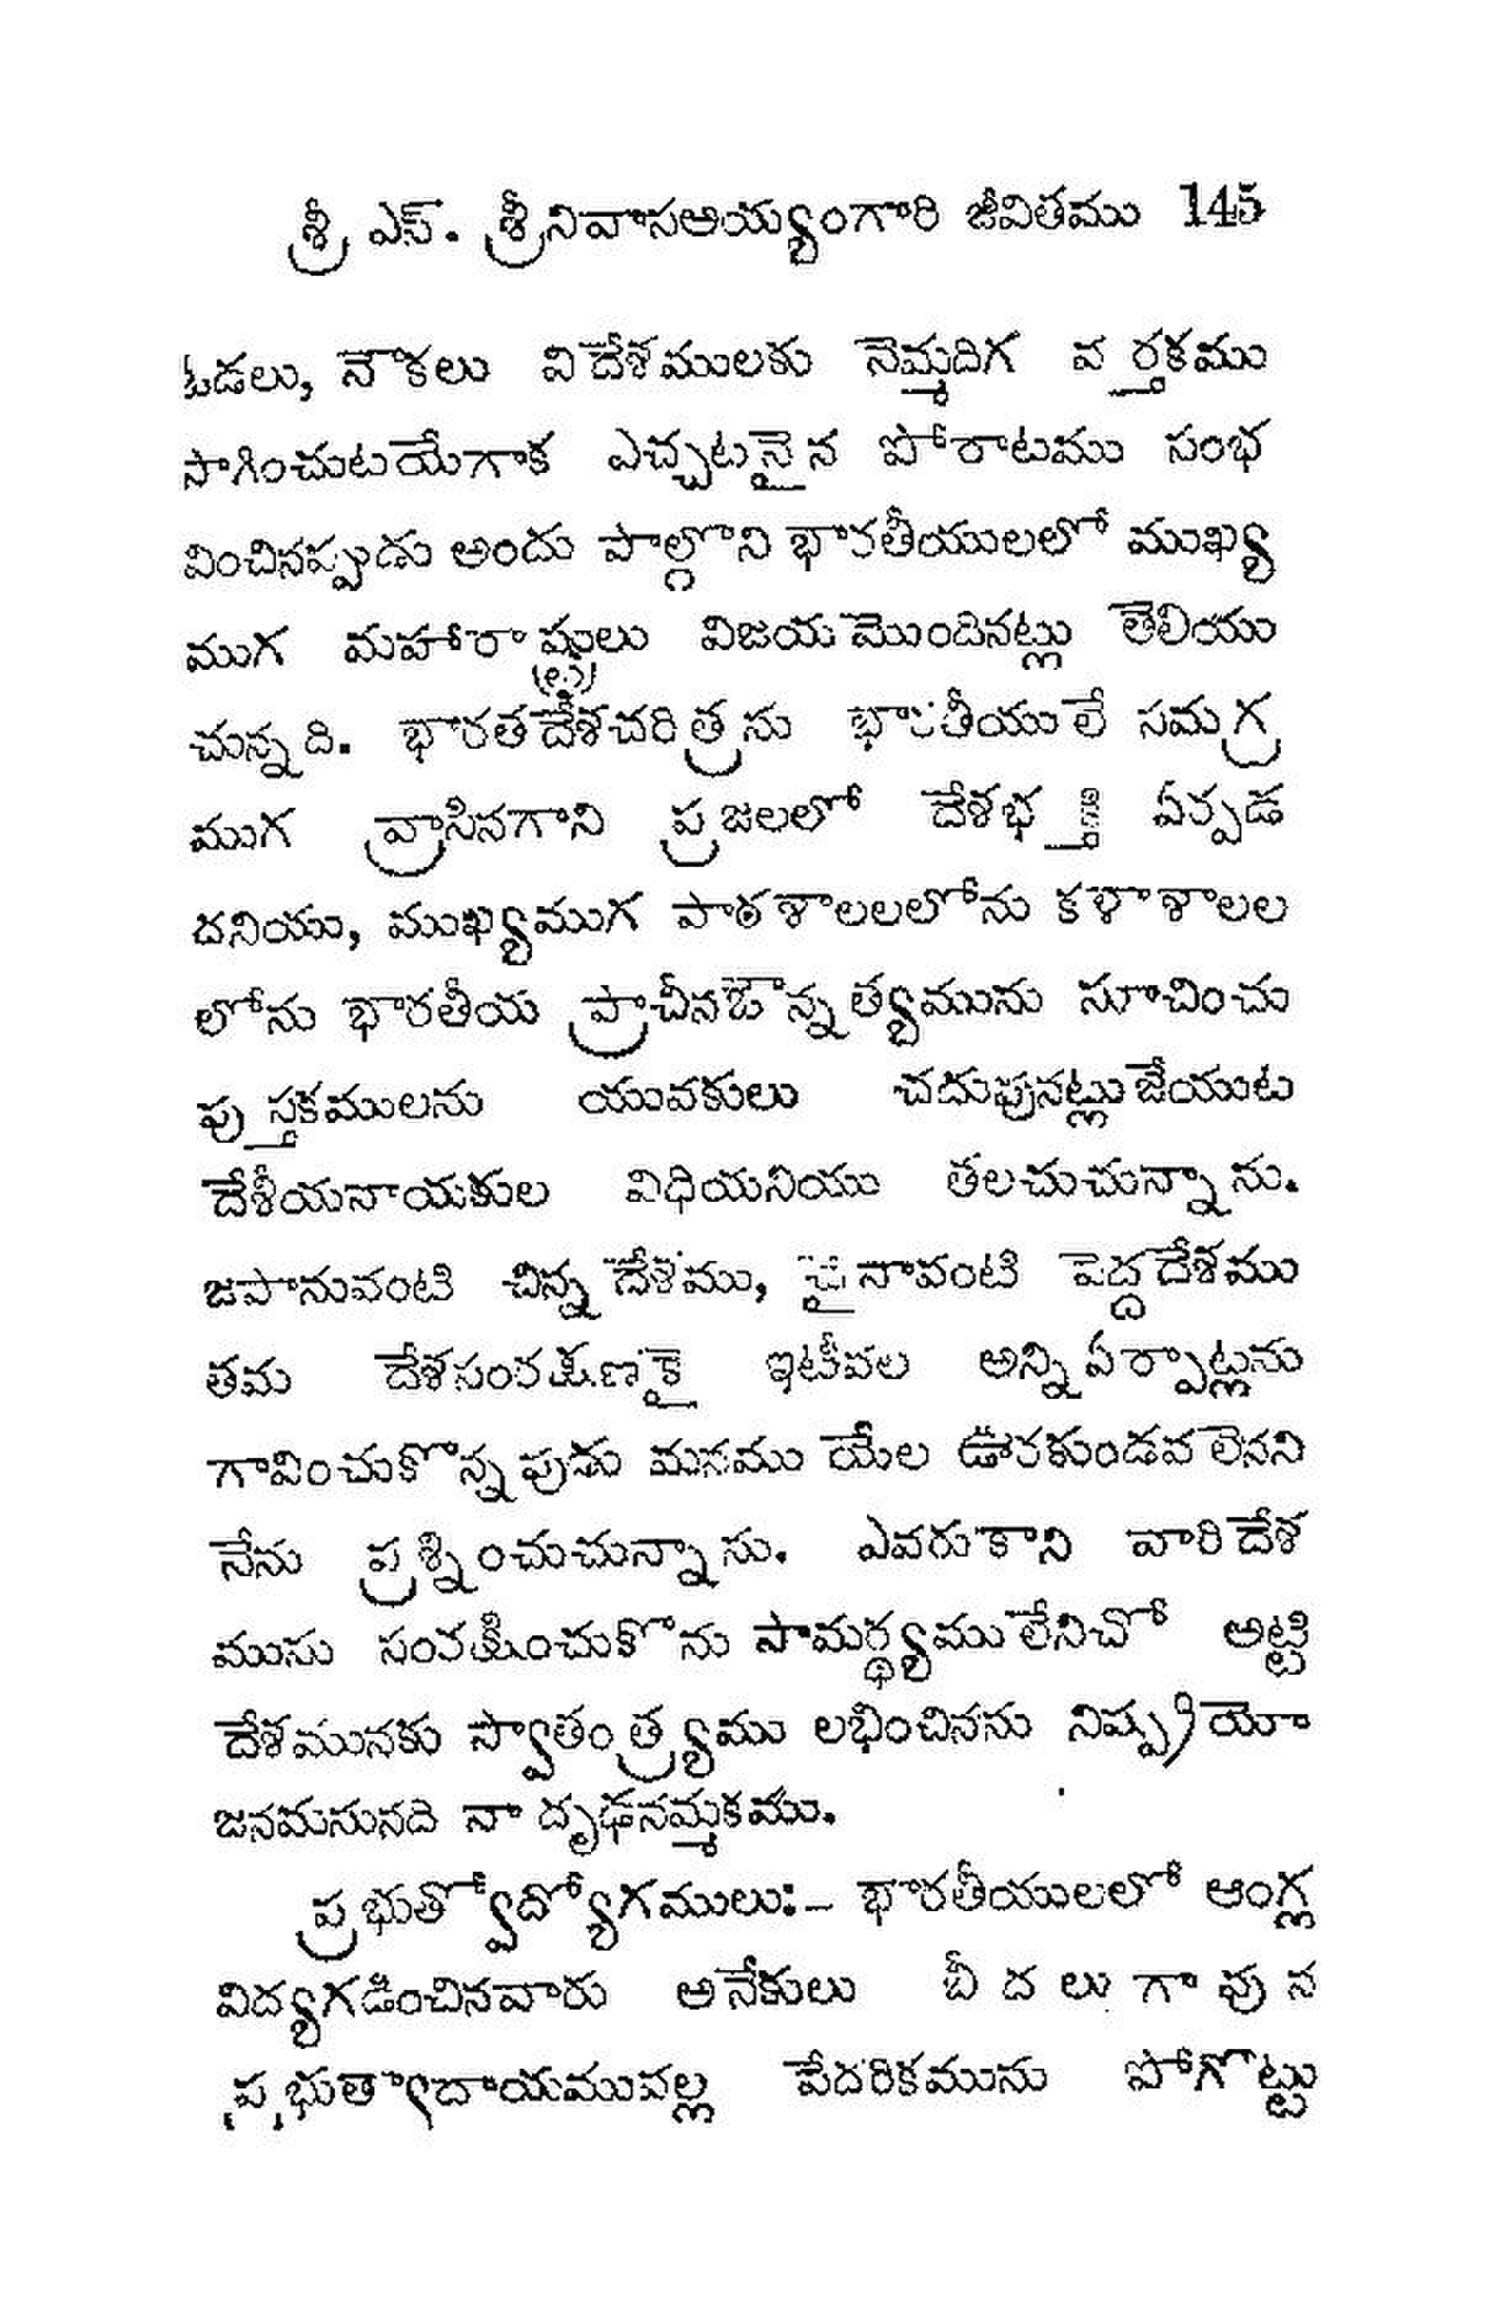ఓడలు, నౌకలు విదేశములకు నెమ్మదిగ వర్తకము సాగించుటయేగాక ఎచ్చటనైన పోరాటము సంభవించినప్పుడు అందు పాల్గొని భారతీయులలో ముఖ్యముగ మహారాష్ట్రులు విజయమొందినట్లు తెలియుచున్నది. భారతదేశచరిత్రను భాతీయులే సమగ్రముగ వ్రాసినగాని ప్రజలలో దేశభక్తి ఏర్పడదనియు, ముఖ్యముగ పాఠశాలలలోను కళాశాలలలోను భారతీయ ప్రాచీనఔన్నత్యమును సూచించు పుస్తకములను యువకులు చదుపునట్లుజేయుట దేశీయనాయకుల విధియనియు తలచుచున్నాను. జపానువంటి చిన్న దేశము, చైనావంటి పెద్దదేశము తమ దేశసంరక్షణకై ఇటీవల అన్నిఏర్పాట్లను గావించుకొన్నపుడు మనము యేల ఊరకుండవలెనని నేను ప్రశ్నించుచున్నాను. ఎవరుకాని వారిదేశమును సంరక్షించుకొను సామర్థ్యములేనిచో అట్టి దేశమునకు స్వాతంత్ర్యము లభించినను నిష్ప్రయోజనమనునది నా దృఢనమ్మకము.

ప్రభుత్వోద్యోగములు:- భారతీయులలో ఆంగ్ల విద్యగడించినవారు అనేకులు బీదలుగావున ప్రభుత్వాదాయమువల్ల పేదరికమును పోగొట్టు